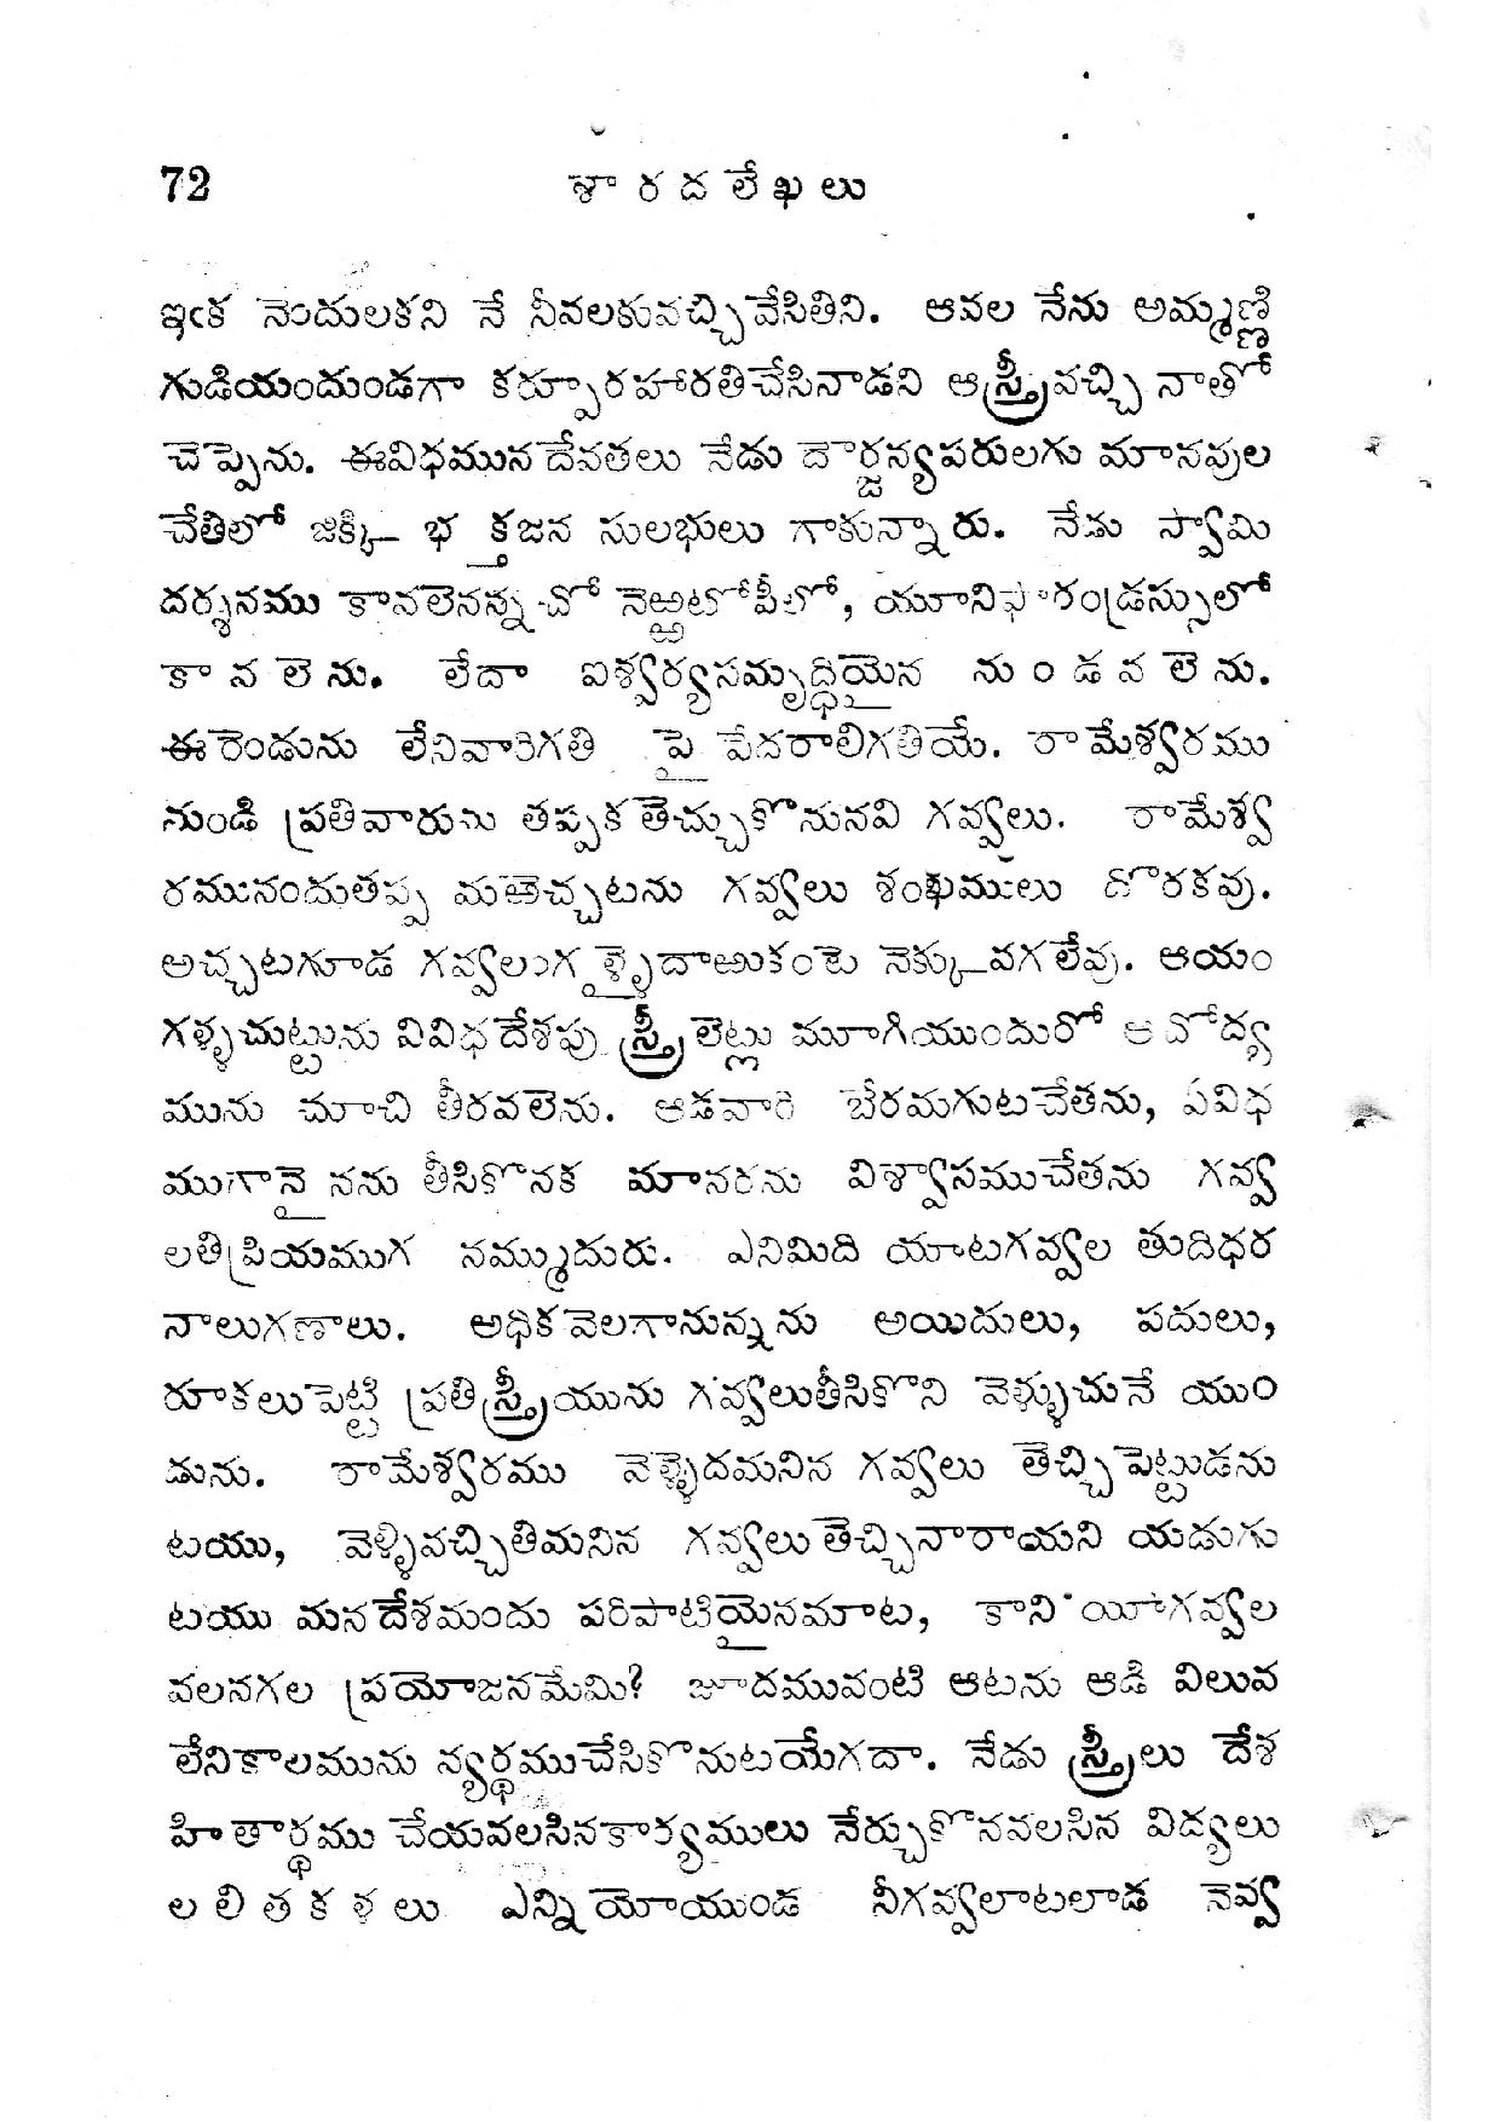ఇఁక నెందులకని నే నీవలకువచ్చివేసితిని. ఆవల నేను అమ్మణ్ణి గుడియందుండగా కర్పూరహారతి చేసినాడని ఆస్త్రీవచ్చి నాతోచెప్పెను. ఈవిధమున దేవతలు నేడు దౌర్జన్యపరులగు మానవులచేతిలో జిక్కి భక్తజన సులభులు గాకున్నారు. నేడు స్వామిదర్శనము కావలెనన్నచో నెఱ్ఱటోపీలో, యూనిఫారండ్రస్సులో
కావలెను. లేదా ఐశ్వర్యసమృద్ధియైన నుండవలెను. ఈరెండును లేనివారిగతి పై పేదరాలిగతియే. రామేశ్వరము నుండి ప్రతివారును తప్పక తెచ్చుకొనునవి గవ్వలు. రామేశ్వరమునందుతప్ప మఱెచ్చటను గవ్వలు శంఖములు దొరకవు. అచ్చటగూడ గవ్వలంగళ్ళైదాఱుకంటె నెక్కువగలేవు. ఆయంగళ్ళచుట్టును వివిధదేశపు స్త్రీలెట్లు మూగియుందురో ఆచోద్యమును చూచి తీరవలెను. ఆడవారి బేరమగుటచేతను, ఏవిధముగానైనను తీసికొనక మానరను విశ్వాసముచేతను గవ్వ లతిప్రియముగ నమ్ముదురు. ఎనిమిది యాటగవ్వల తుదిధర నాలుగణాలు. అధికవెలగానున్నను అయిదులు, పదులు, రూకలుపెట్టి ప్రతిస్త్రీయును గవ్వలుతీసికొని వెళ్ళుచునే యుండును. రామేశ్వరము వెళ్ళెదమనిన గవ్వలు తెచ్చిపెట్టుడనుటయు, వెళ్ళివచ్చితిమనిన గవ్వలు తెచ్చినారాయని యడుగుటయు మనదేశమందు పరిపాటియైనమాట, కాని యీగవ్వలవలనగల ప్రయోజనమేమి? జూదమువంటి ఆటను ఆడి విలువలేనికాలమును వ్యర్థముచేసికొనుటయేగదా. నేడు స్త్రీలు దేశహితార్థము చేయవలసిన కార్యములు నేర్చుకొనవలసిన విద్యలు
లలితకళలు ఎన్నియోయుండ నీగవ్వలాటలాడ నెవ్వ